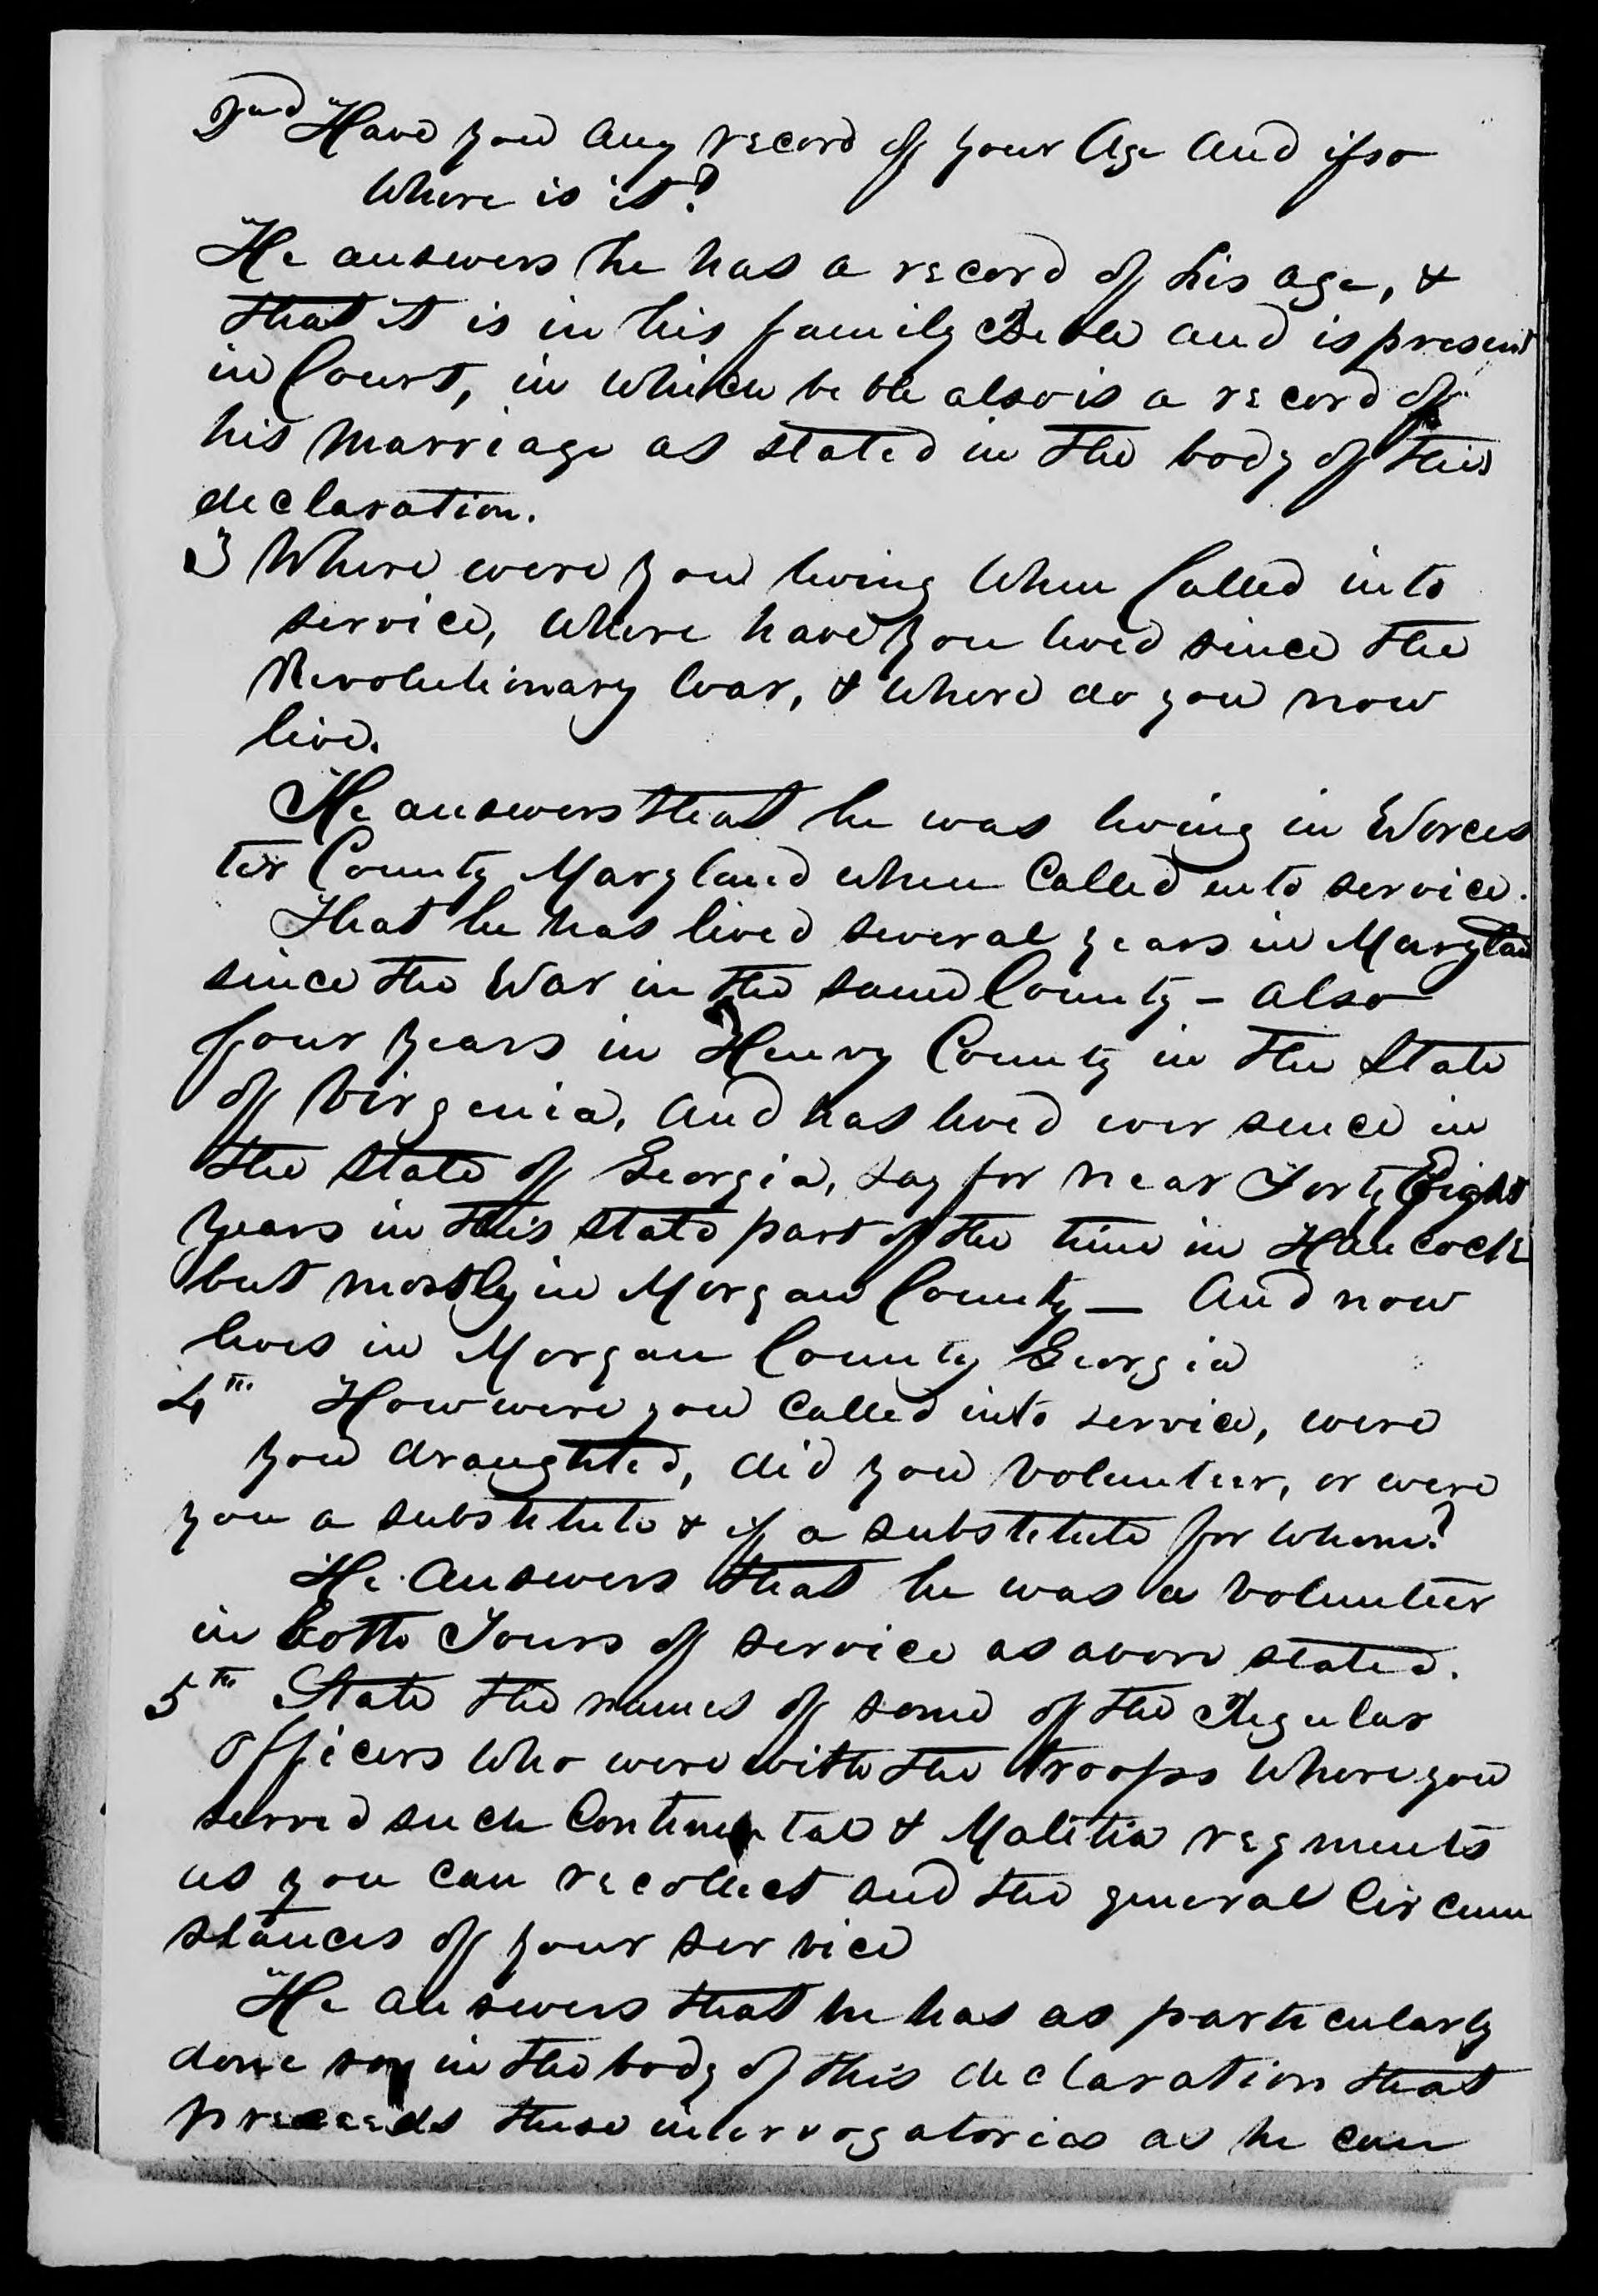2nd Have you any record of your age and if so
Where is it
He answers he has a record of his age, &
that it is in his family Bible and is present
in Court, in which bible also is a record of
his marriage as stated in the body of this
declaration,
3 Where were you living when called into
service, where have you lived since the
Revolutionary War, & where do you now
live
answers that he was living in Worcester County Maryland when called into service
That he has lived several years in Maryland
since the war in the same County __ also
four years in Henry County in the State of
Virginia, and has lived ever since in
The State of Georgia, say for near Forty Eight
years in this State part of the time in Hancock
but mostly in Morgan County __ And now
lives in Morgan County Georgia
4th  How were you called into service, were
you draughted, did you volunteer, or were
you a substitute & if a substitute for whom
He answers that he was a volunteer
in both tours of service as above stated.
5th  State the names of some of the Regular
officers who were with the troops where you
served such Continental & Militia regiments
as you can recollect and the general circum
stances of your service
He answers that he has as particularly
done so in the body of this declaration that
proceeds these interrogatories as he can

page: 5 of 14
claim: rejected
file: R. 2,877, Josiah Dennis, Md.